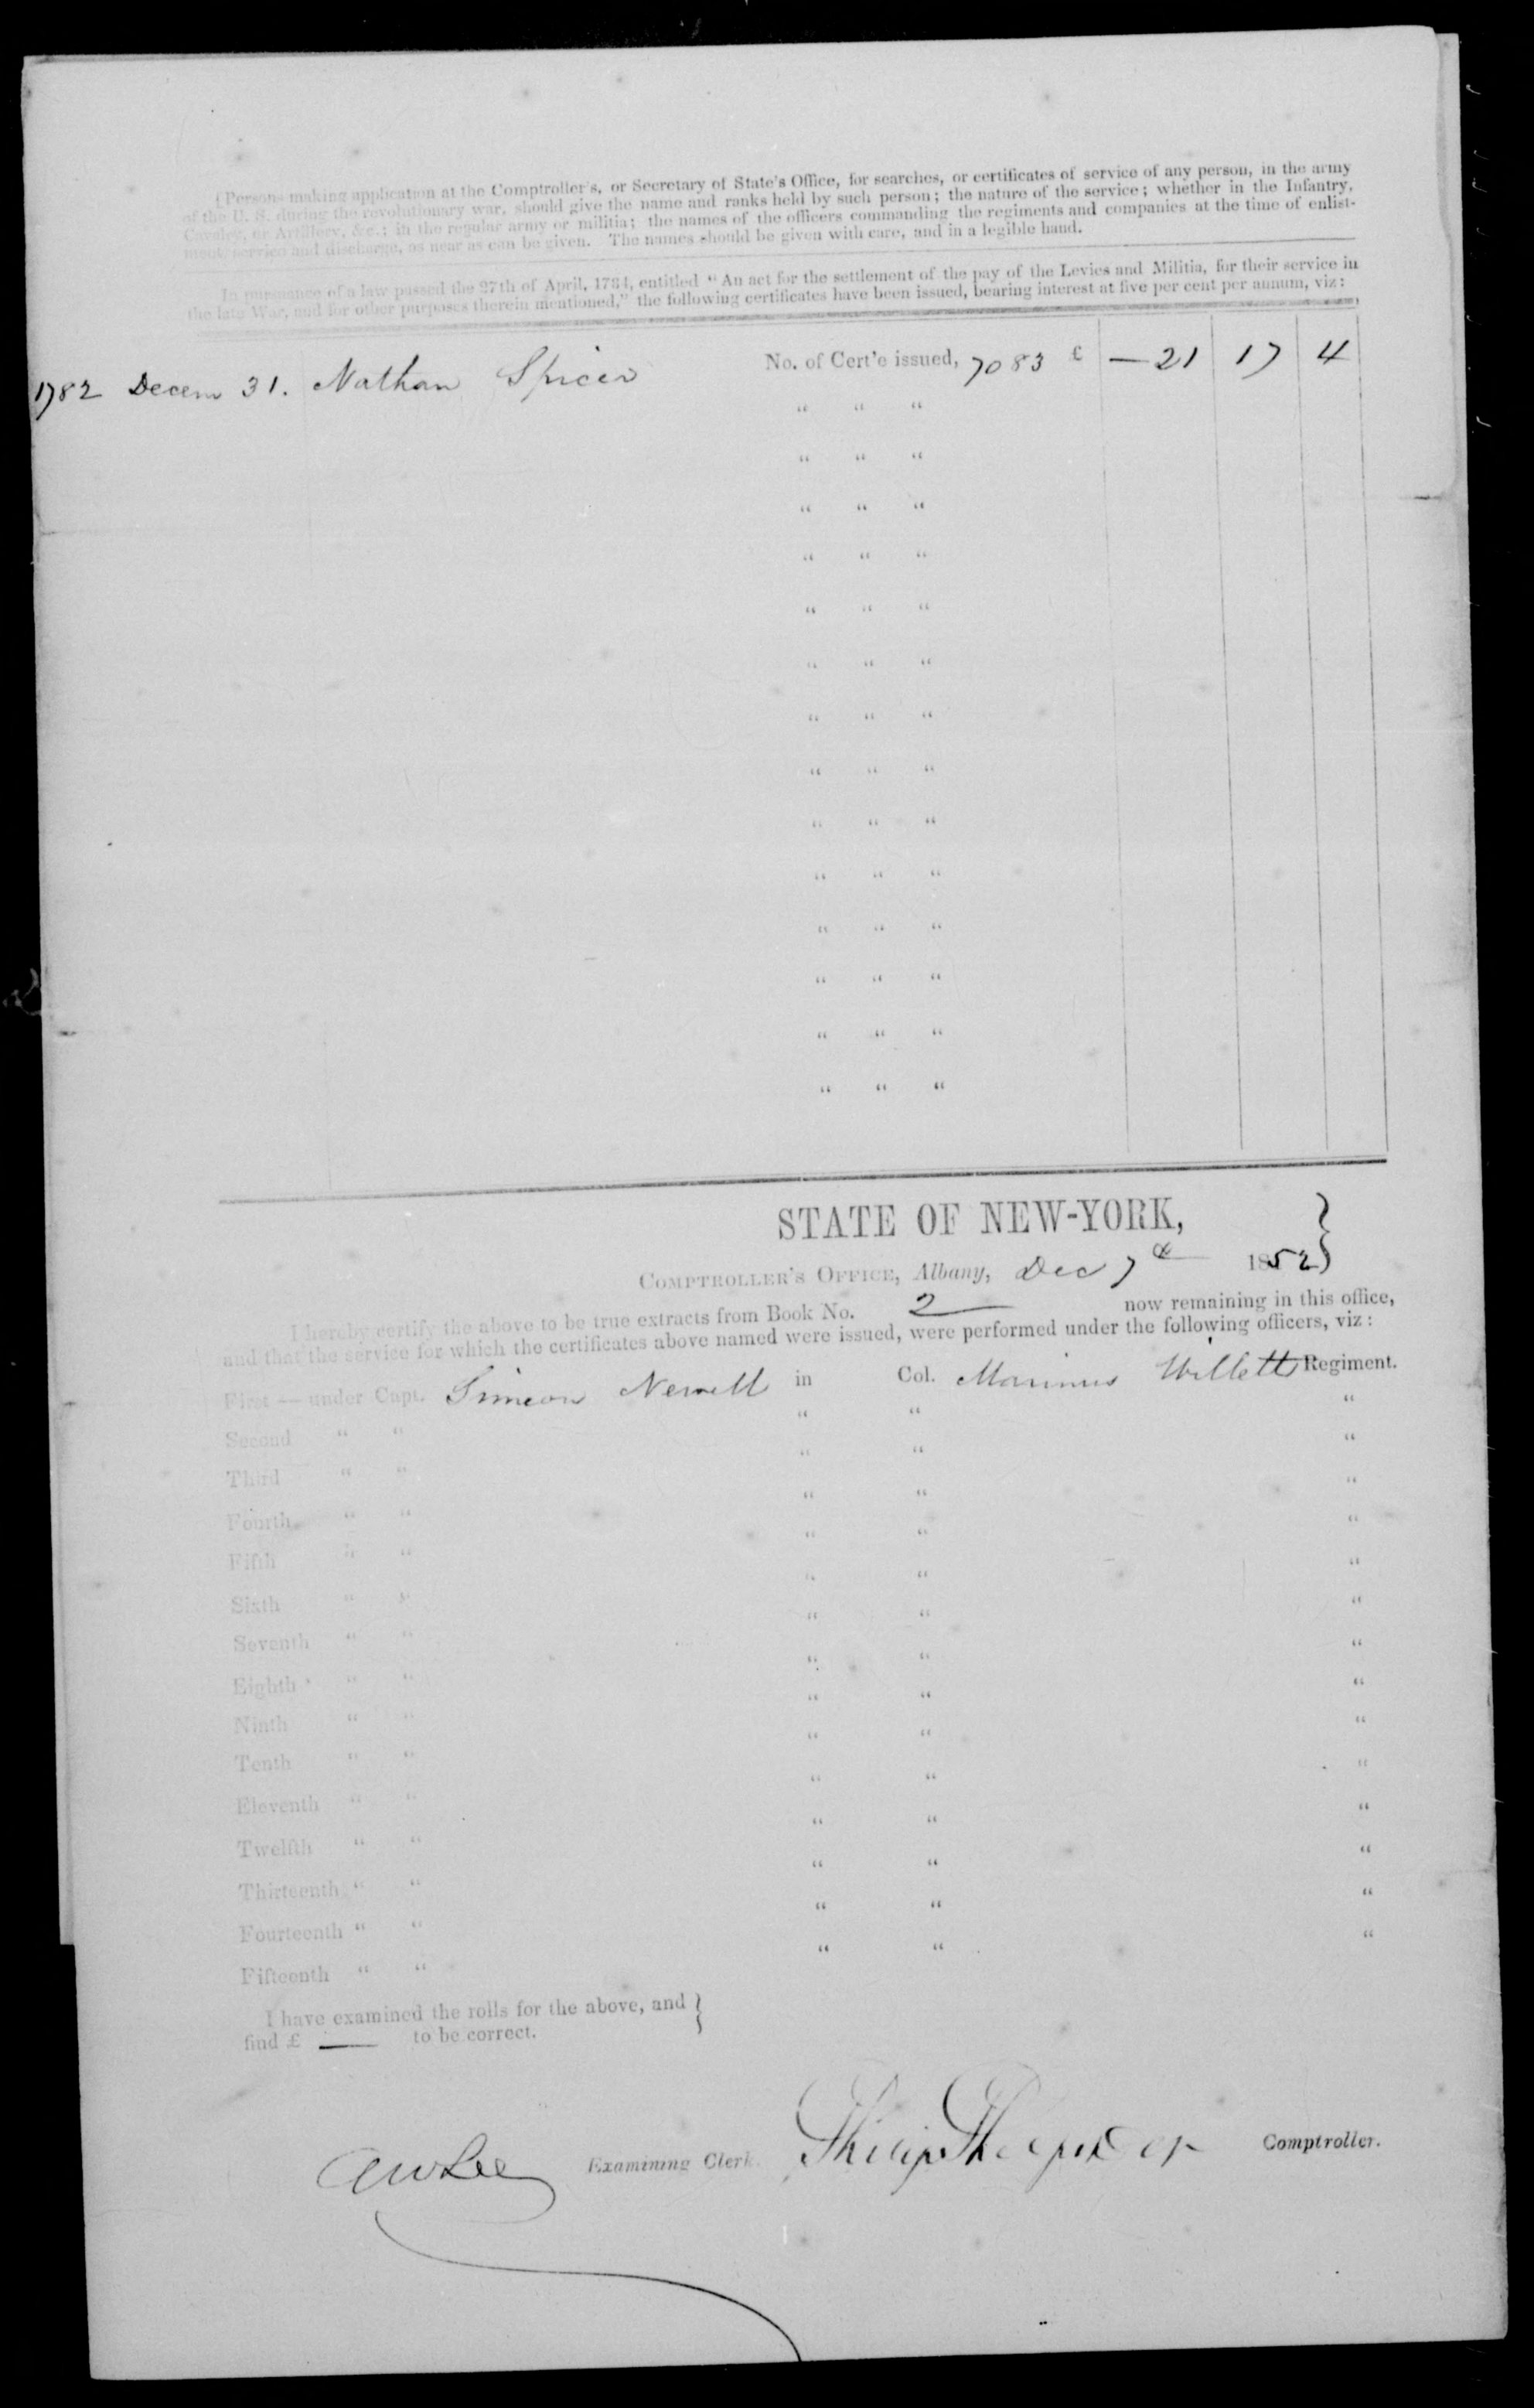[Persons making application at the Comptroller's, or Secretary of State's Office, for  searches of any person, in the army of the U. S. during the revolutionary war, should give the name and ranks held by said person; the nature of the service; whether in the Infantry, Cavalry, or artillery, &c.; in the regular army or militia; tha names of the officers commanding the regiments and companies at the time of enlistment, service and discharge, as near as can be given. The names should be given with care, and in a legible hand.

In pursuance of a law passed the 27th of April, 1781, entitled "An act for the settlement of the pay of the Levies and Militia, for their service in the late War, and for other purposes therein mentioned," the following certificates have been issued, bearing interest at five per cent per annum, viz:

1782 Decem 31. Nathan Spicer 
No. of Cert'e issued, 7083 £—21 17 4


STATE OF NEW-YORK,
COMPTROLLER'S OFFICE, Albany, Dec 7th 1852}
I hereby certify the above to be true extracts from Book No. 2 now remaining in this office, and that the service for which the certificates above named were issued, were performed under the following officers, viz:
First — under Capt. Simon Newell in Col. Marinus Willetts Regiment.
Second
Third
Fourth
Fifth
Sixth
Seventh
Eighth
Ninth
Tenth
Eleventh
Twelfth
Thirteenth
Fourteenth
Fifteenth

I have examined the rolls for the above, and find £— to be correct.
A W Lee Examining Clerk Philip Phelps esq Comptroller.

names: Natha Spicer; Marinus Willett; A W Lee; Simeon Newell; Philip Phelps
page: 24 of 33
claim: rejected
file: R. 5603, for Nathan Spicer, New York